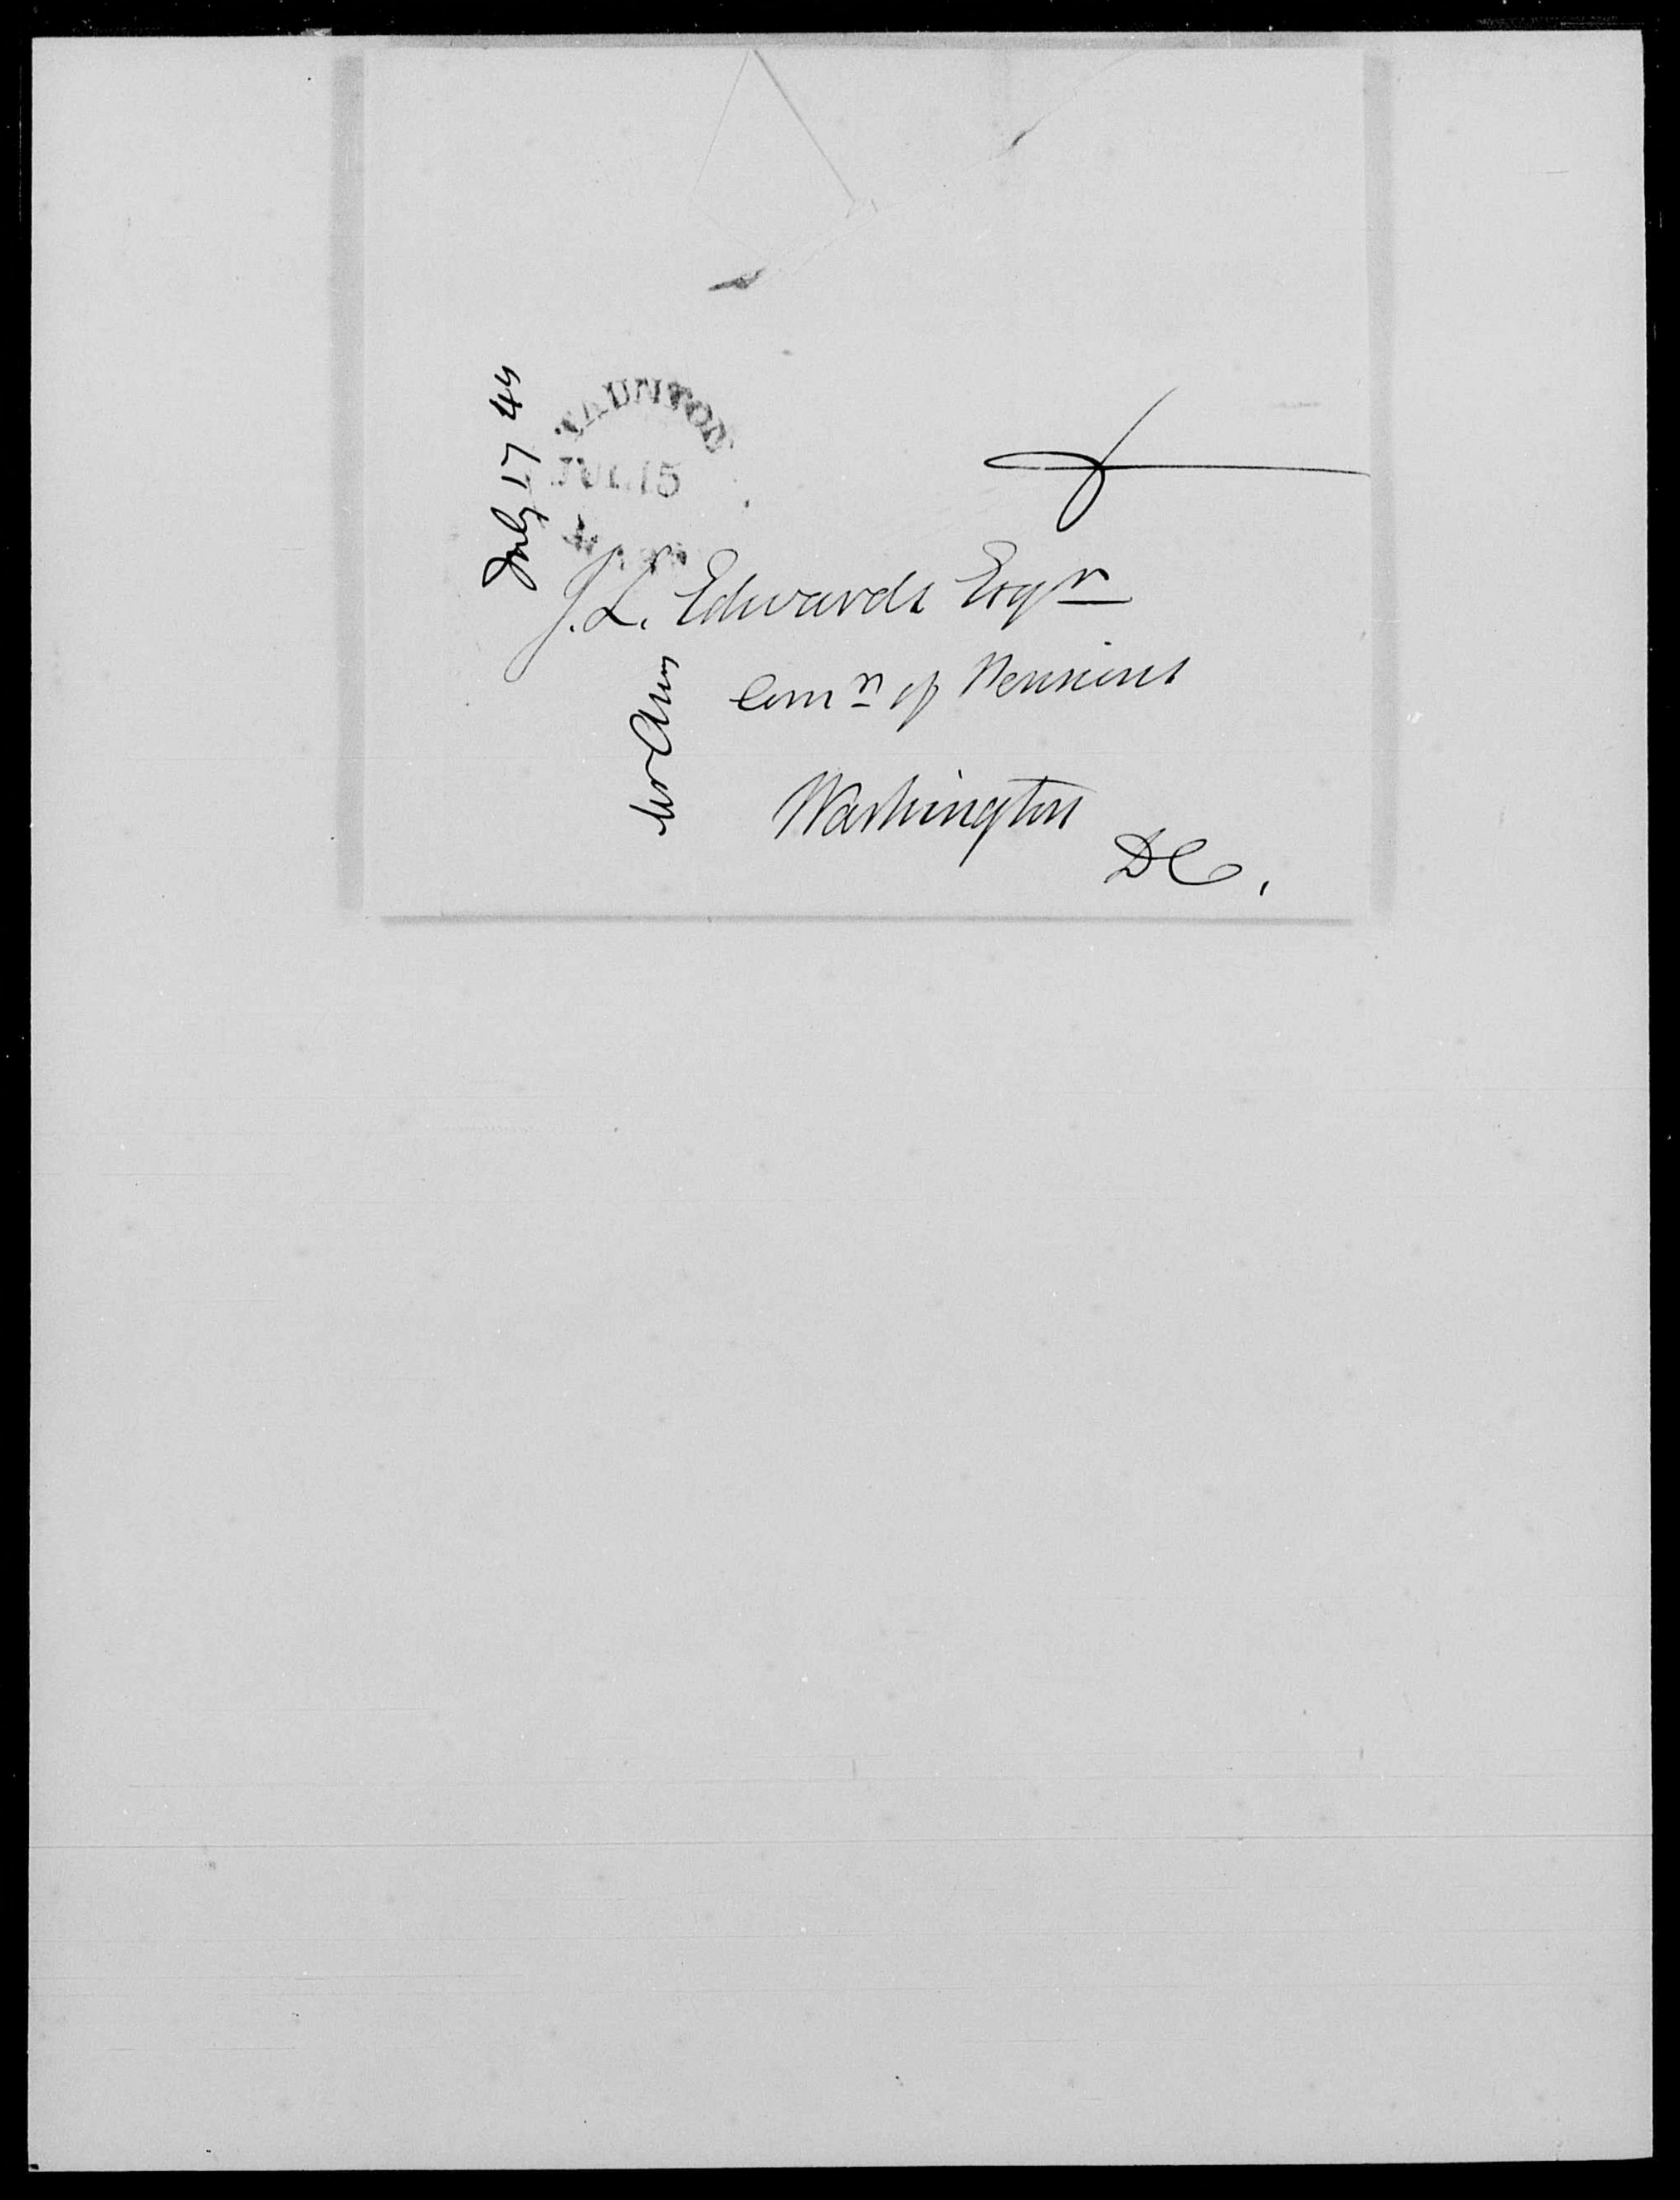July 17 '44
[stamped Taunton July 15]
J.L. Edwards Esqr

Comm. of Pensions
Washington
DC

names: J L Edwards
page: 30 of 54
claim: widow's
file: W. 26,897, for George Pitts, Massachusetts